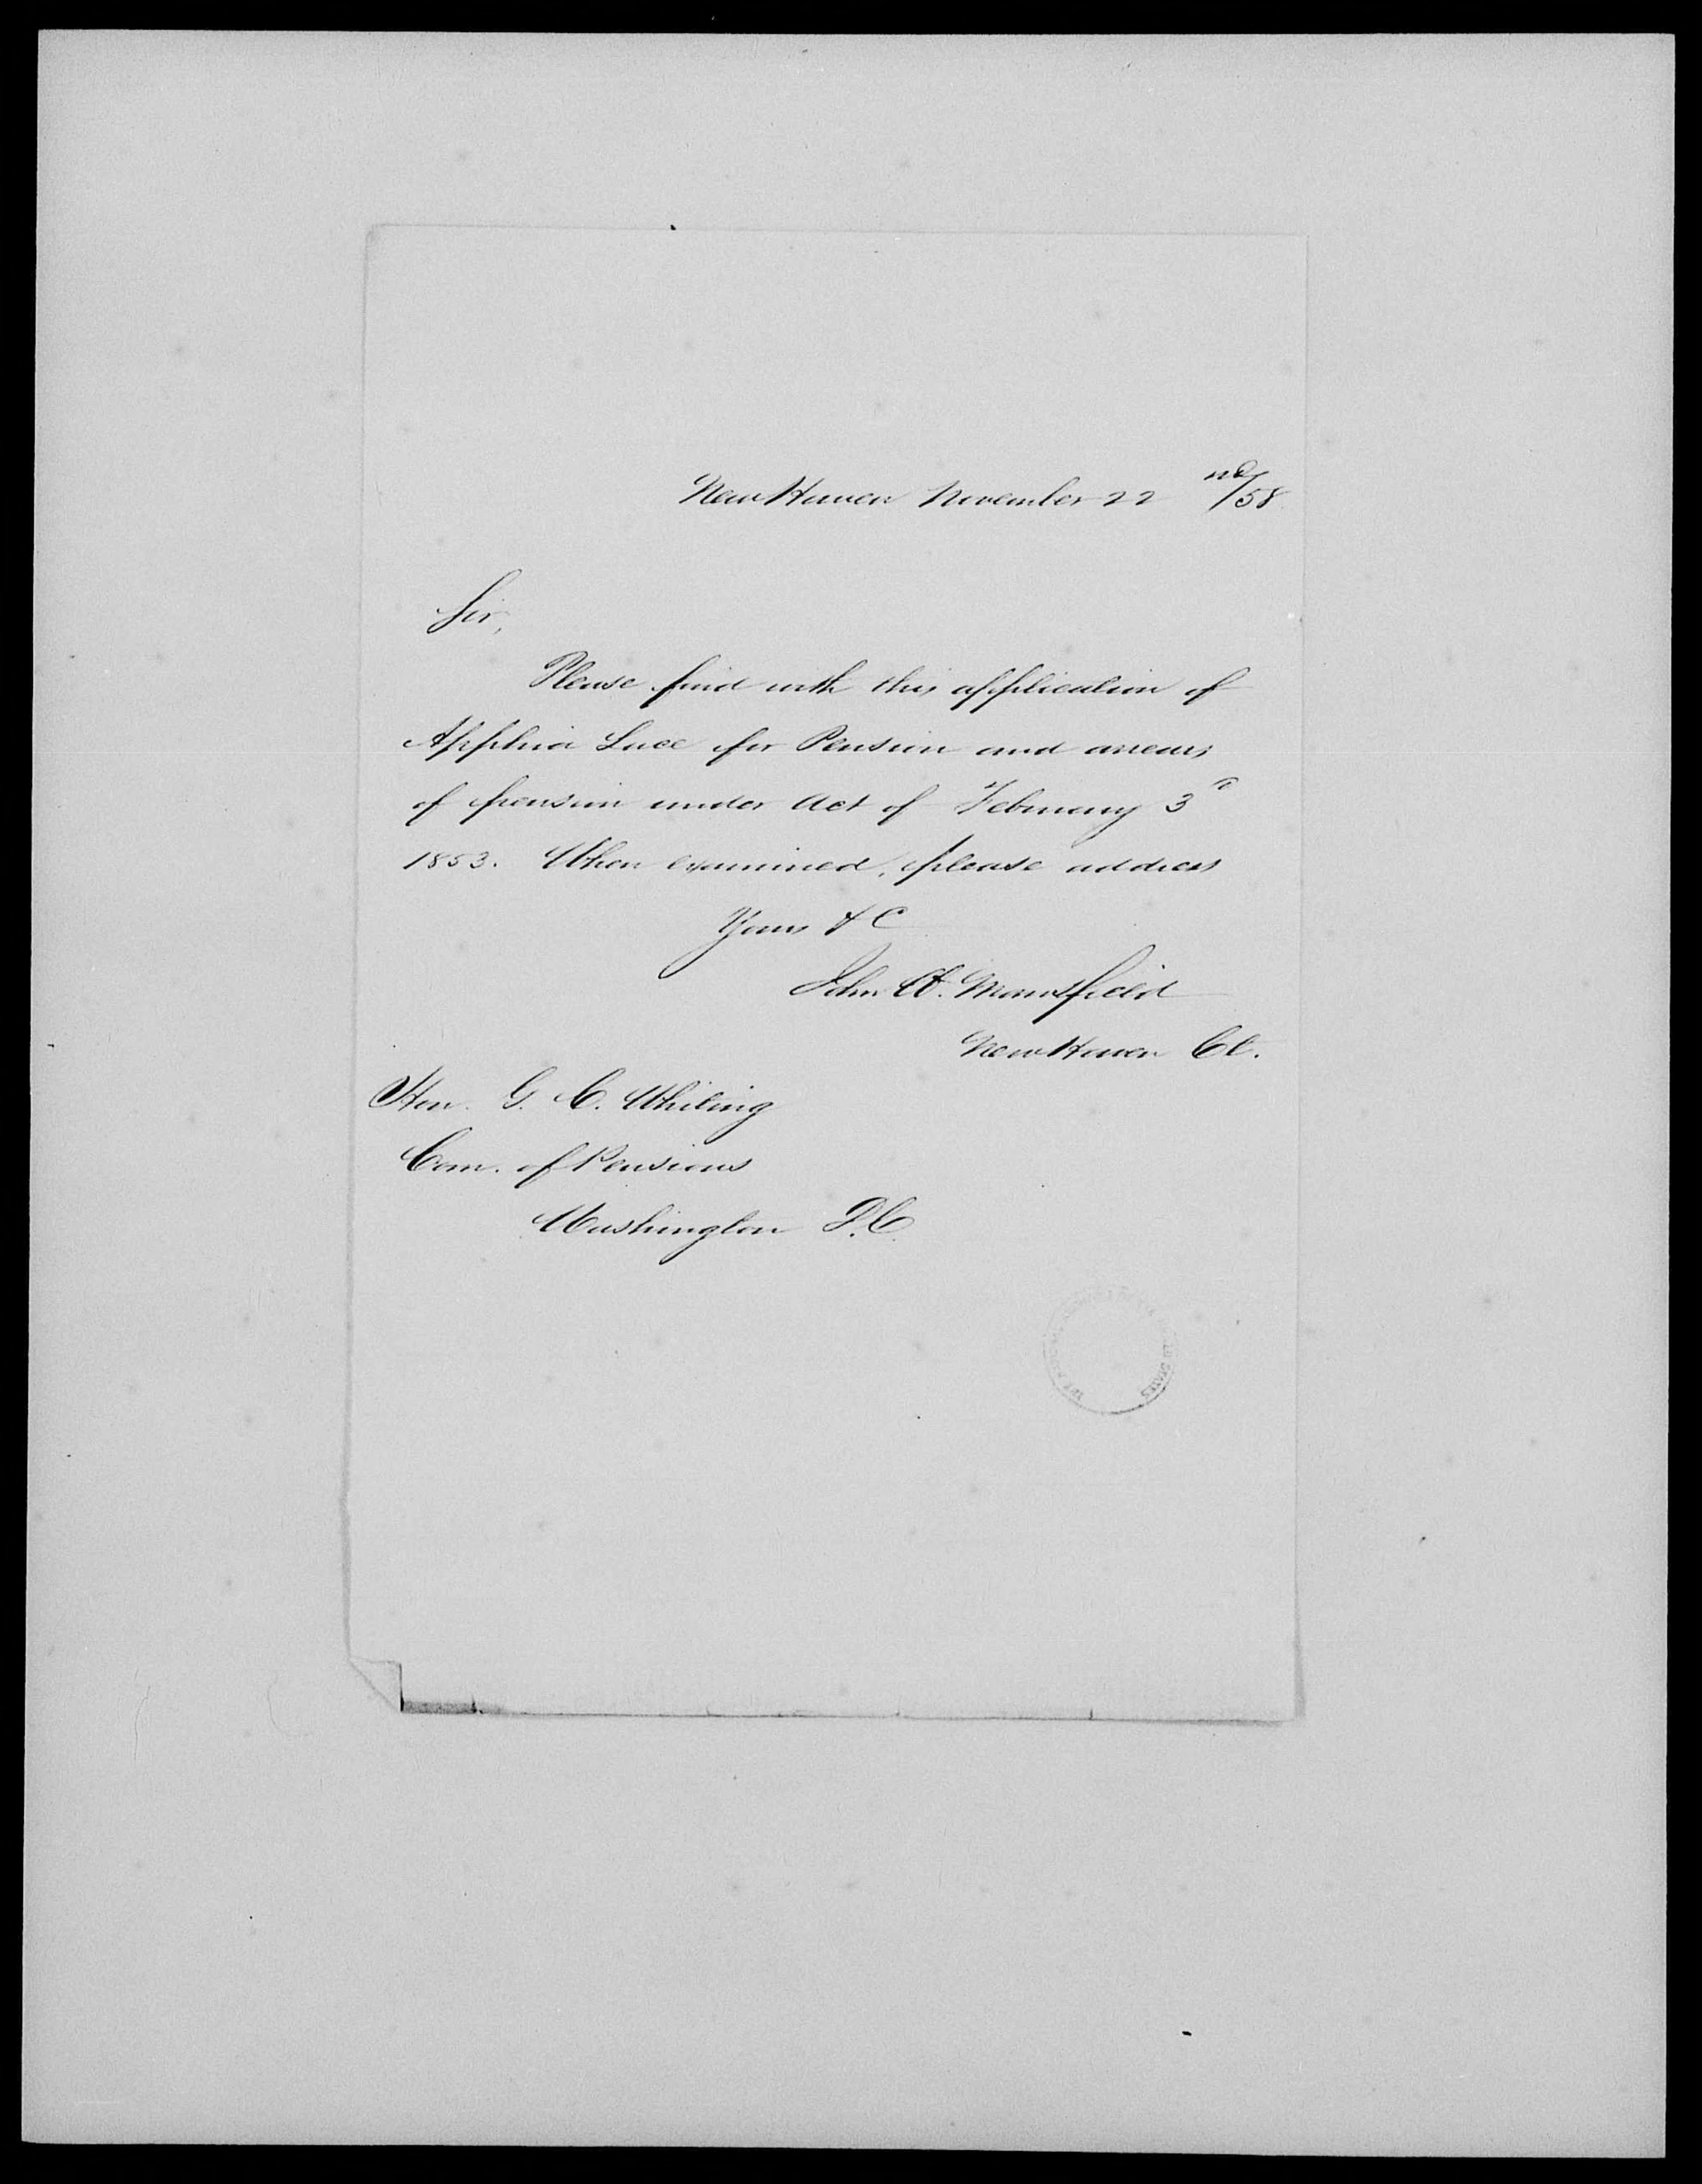New Haven November 22nd /58

Sir Please find with this application of Apphia Luce for Pension and arrears of pension under Act of February 3rd 1853.  When examined, please address

Yours & C

John W. Mansfield
New Haven Ct.

Hon G. C. Whiting
Com. of Pensions
Washington D.C.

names: Apphia Luce; John W Mansfield; G C Whiting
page: 31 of 70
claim: rejected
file: R. 6510, for Israel Luce, New York